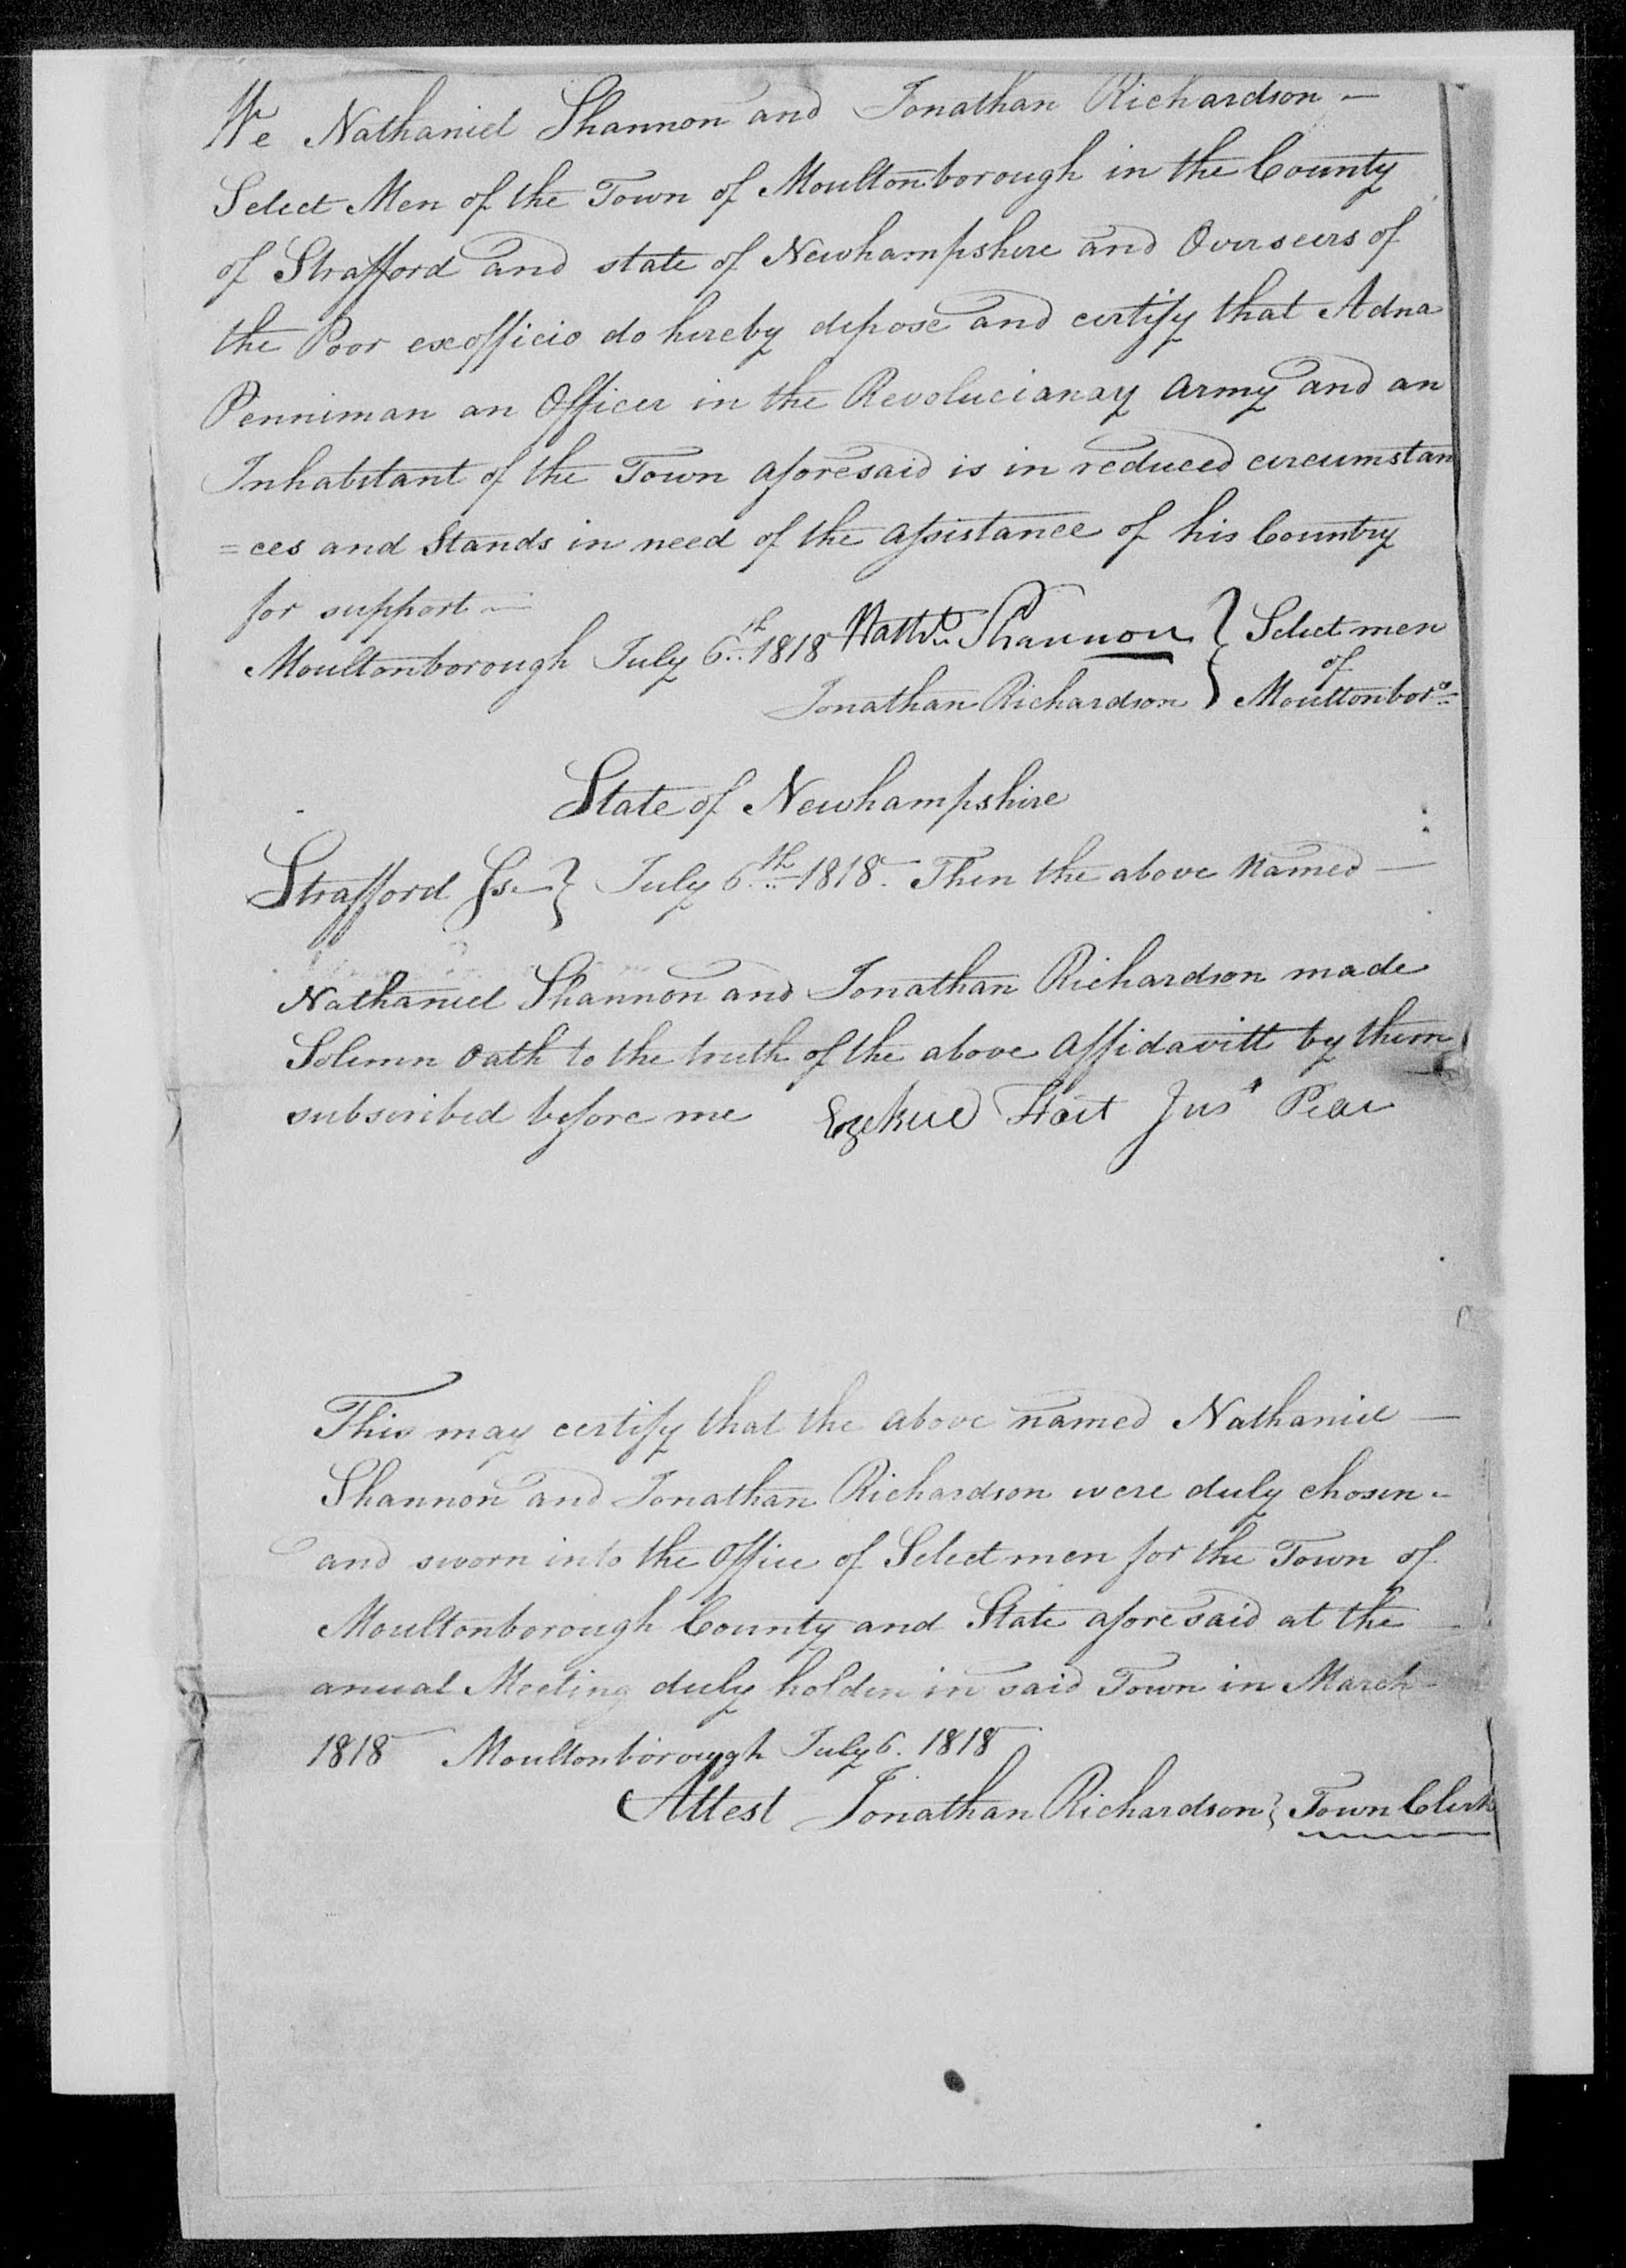We Nathaniel Shannon and Jonathan Richardson --
Select Men of the Town of Moutonborough in the County
of Strafford and state of New Hampshire and Overseers of
the Poor exofficio do hereby depose and certify that Adna 
Penniman an Officer in the Revolutionary Army and an
Inhabitant of the Town aforesaid is in reduced circumstances
and Stands in need of the assistance of his Country
for support -- 
Moultonborough July 6th 1818  Nathaniel Shannon}
Jonathan Richardson } Selectmen of Moultonborough

State of Newhampshire
Strafford SS } July 6th 1818. Then the above named --
Nathaniel Shannon and Jonathan Richardson 
made
Solemn oath to the truth of the above affidavitt by them
subscribed before me Ezekiel Hart Jus Peace

This may certify that the above-named Nathaniel --
Shannon and Jonathan Richardson were duly chosen
and sworn into the Office of Selectmen for the Town of 
Moultonborough County and State aforesaid at the
annual Meeting duly holden in said Town in March - 
Moultonborough July 6. 1818
Attest Jonathan Richardson } Town Clerk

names: Ezekiel Hart; Adna Penniman; Nathaniel Shannon; Jonathan Richardson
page: 5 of 13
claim: survivor's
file: S. 45065, for Adna Penniman, Massachusetts